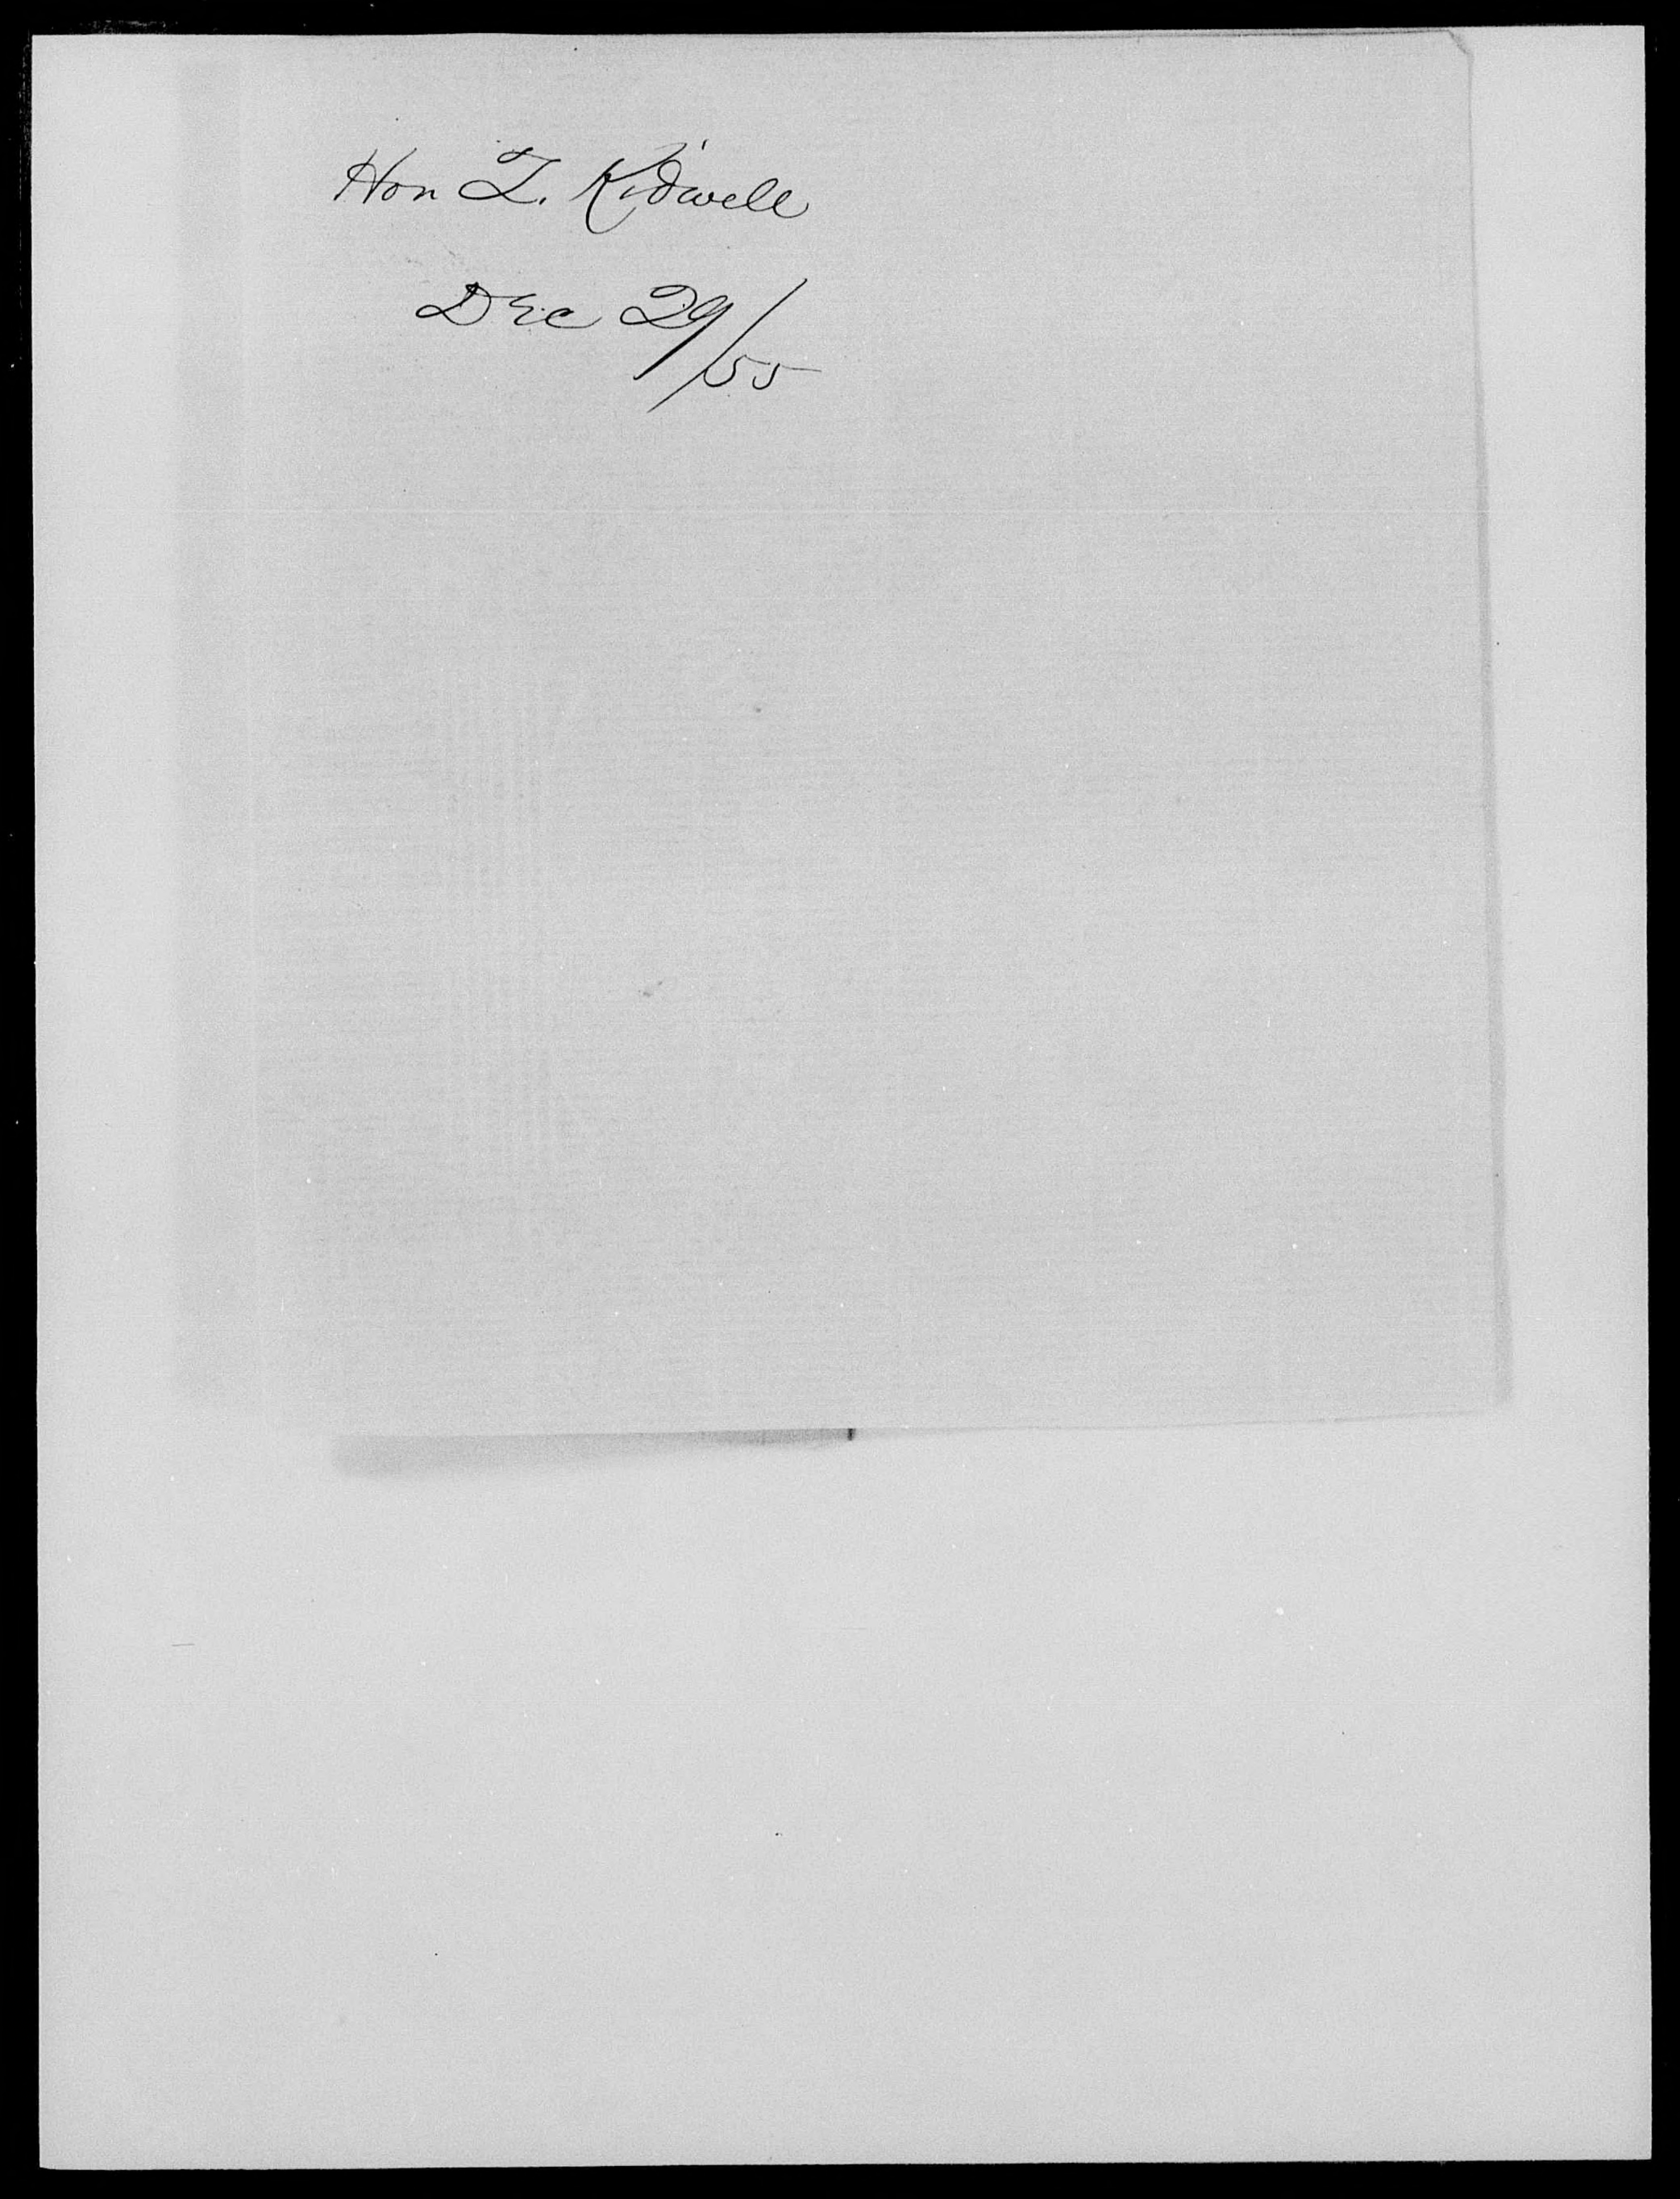Hon. Z. Kidwell
Dec 29/55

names: Z Kidwell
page: 14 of 22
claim: rejected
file: R. 8,319, for John Engle Pool, Pennsylvania